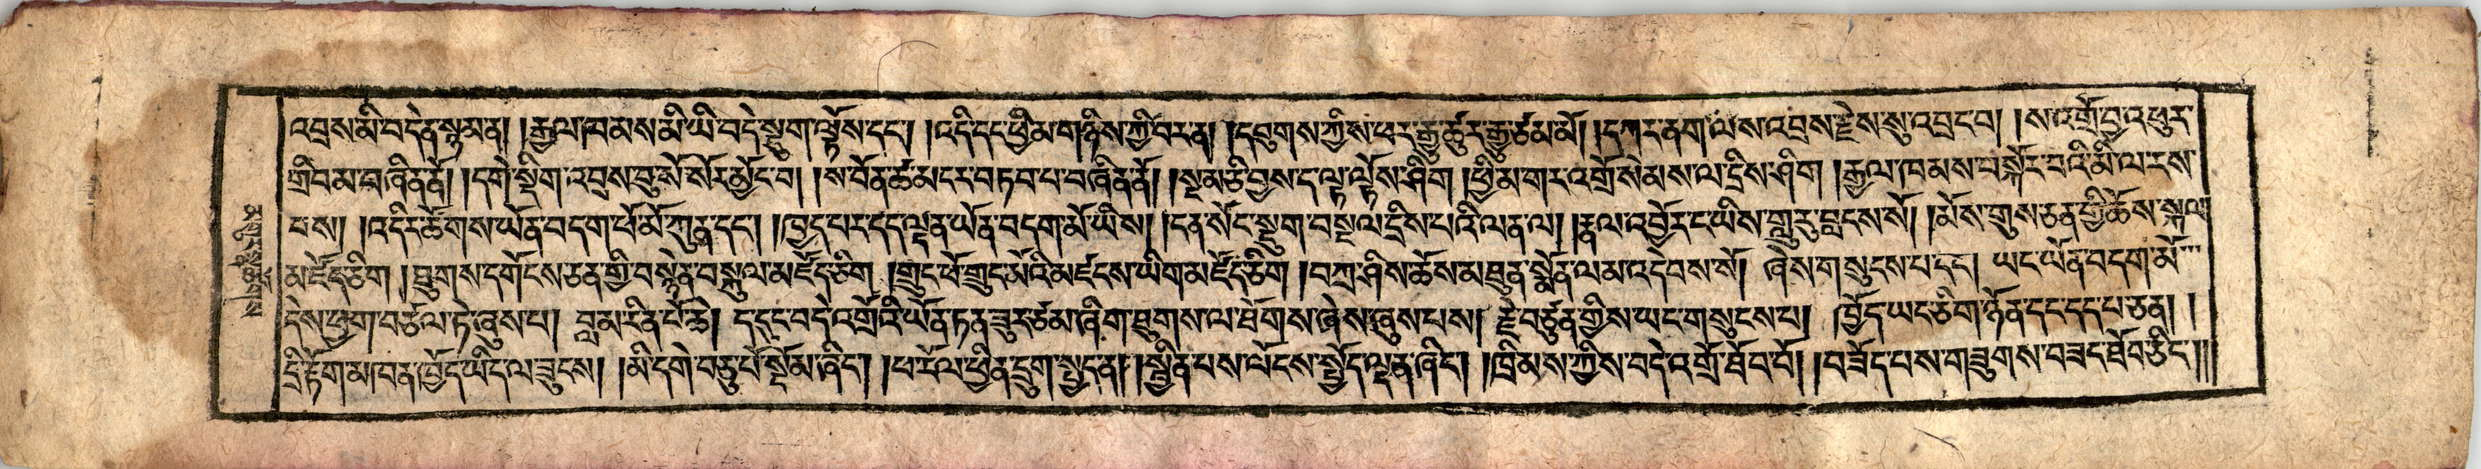འབྲས་མི་བདེན་སྙམ་ན། །རྒྱལ་ཁམས་མི་ཡི་བདེ་སྡུག་ལྟོས་དང་། །འདི་དང་ཕྱི་མ་གཉིས་ཀྱི་བར་ན། །དབུགས་ཀྱིས་ཕར་རྒྱུ་ཚུར་རྒྱུ་ཙམ་མོ། །དཀར་ནག་ལས་འབྲས་རྗེས་སུ་འབྲང་བ། །ས་འགྲོ་བྱ་འཕུར་
གྲིབ་མ་བཞིན་ནོ། །དགེ་སྡིག་འབྲས་བུ་སོ་སོར་མྱོང་བ། །ས་བོན་ཚ་མངར་བཏབ་པ་བཞིན་ནོ། །སྔ་མ་ཅི་བྱས་ད་ལྟར་ལྟོས་ཤིག ཕྱི་མ་གར་འགྲོ་སེམས་ལ་དྲིས་ཤིག །རྒྱལ་ཁམས་བསྐོར་བའི་མི་ལ་རས་
པས། །འདིར་ཚོགས་ཡོན་བདག་ཕོ་མོ་ཀུན་དང་། །ཁྱད་པར་དད་ལྡན་ཡོན་བདག་མོ་ཡིས། །ངན་སོང་སྡུག་བསྔལ་དྲིས་པའི་ལན་ལ། །རྣལ་འབྱོར་ང་ཡིས་གླུ་རུ་བླངས་སོ། །མོས་གུས་ཅན་གྱི་ཆོས་སྐལ་
མཛོད་ཅིག །ཐུགས་དགོངས་ཅན་གྱི་བསྙེན་བསྐུལ་མཛོད་ཅིག །གྲུང་ཕོ་གྲུང་མོའི་མཛངས་ཡིག་མཛོད་ཅིག །བཀྲ་ཤིས་ཆོས་མཐུན་སྨོན་ལམ་འདེབས་སོ། །ཞེས་གསུངས་པ་དང་། ཡང་ཡོན་བདག་མོ་
དེས་ཕྱག་བཙལ་ཏེ་ཞུས་པ། བླ་མ་རིན་པོ་ཆེ། ད་དུང་བདེ་འགྲོའི་ཡོན་ཏན་ཟུར་ཙམ་ཞིག་ཐུགས་ལ་ཐོགས་ཞེས་ཞུས་པས། རྗེ་བཙུན་གྱིས་ཡང་གསུངས་པ། ཁྱོད་ཡང་ཅིག་ཉོན་དང་དད་པ་ཅན།
དྲི་རྟོག་མཁན་ཁྱོད་ཡིད་ལ་ཟུངས། །མི་དགེ་བཅུ་པོ་སྡོམ་ཞིང་། །ཕ་རོལ་ཕྱིན་དྲུག་སྤྱད་ན། །སྦྱིན་པས་ལོངས་སྤྱོད་ལྡན་ཞིང་། །ཁྲིམས་ཀྱིས་བདེ་འགྲོ་ཐོབ་བོ། །བཟོད་པས་གཟུགས་བཟང་ཐོབ་ཅིང་། །